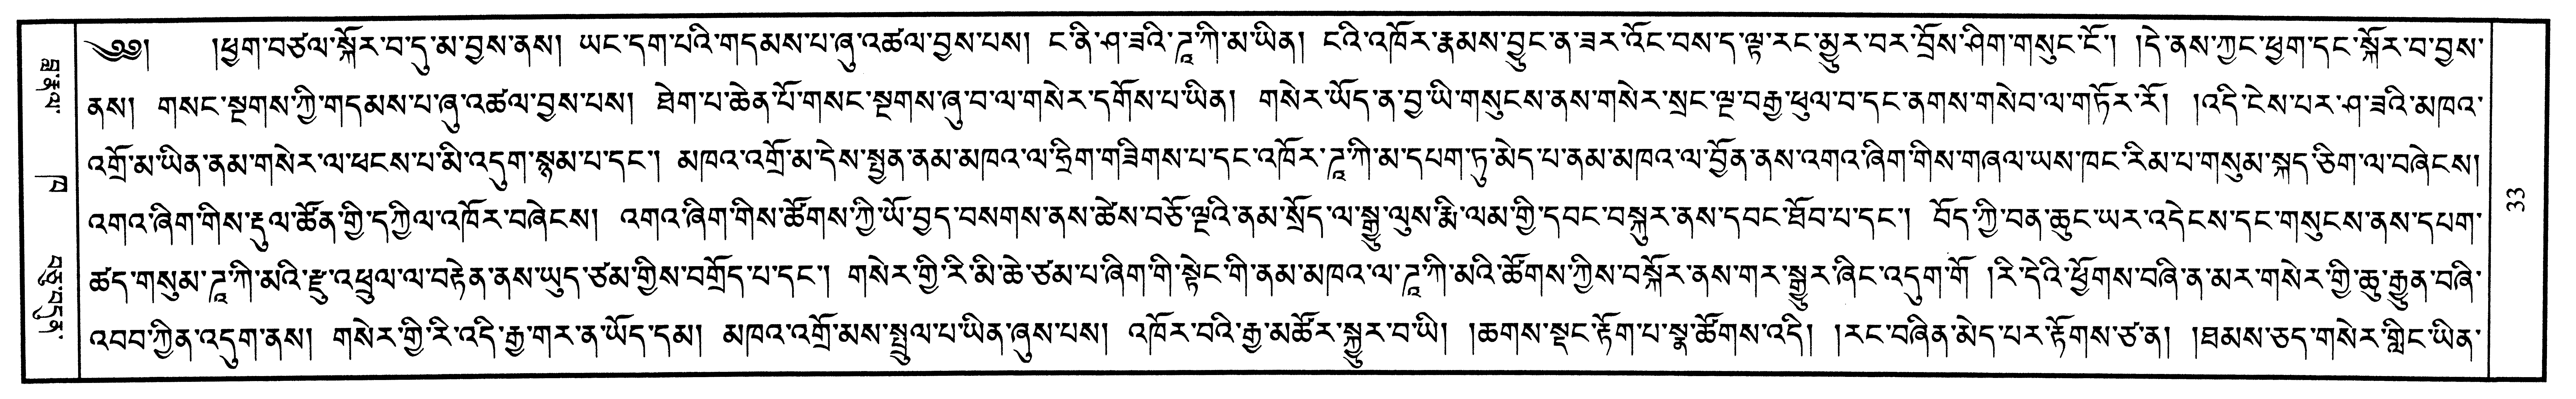༄༅། །ཕྱག་བཙལ་སྐོར་བ་དུ་མ་བྱས་ནས། ཡང་དག་པའི་གདམས་པ་ཞུ་འཚལ་བྱས་པས། ང་ནི་ཤ་ཟའི་ཌཱ་ཀི་མ་ཡིན། ངའི་འཁོར་རྣམས་བྱུང་ན་ཟར་འོང་བས་ད་ལྟ་རང་མྱུར་བར་བྲོས་ཤིག་གསུང་ངོ། །དེ་ནས་ཀྱང་ཕྱག་དང་སྐོར་བ་བྱས་
ནས། གསང་སྔགས་ཀྱི་གདམས་པ་ཞུ་འཚལ་བྱས་པས། །ཐེག་པ་ཆེན་པོ་གསང་སྔགས་ཞུ་བ་ལ་གསེར་དགོས་པ་ཡིན། གསེར་ཡོད་ན་བྱ་ཡི་གསུངས་ནས་གསེར་སྲང་ལྔ་བརྒྱ་ཕུལ་བ་དང་ནགས་གསེབ་ལ་གཏོར་རོ། །འདི་ངེས་པར་ཤ་ཟའི་མཁའ་
འགྲོ་མ་ཡིན་ནམ་གསེར་ལ་ཕངས་པ་མི་འདུག་སྙམ་པ་དང་། མཁའ་འགྲོ་མ་དེས་སྤྱན་ནམ་མཁའ་ལ་ཧྲིག་གཟིགས་པ་དང་འཁོར་ཌཱ་ཀི་མ་དཔག་ཏུ་མེད་པ་ནམ་མཁའ་ལ་བྱོན་ནས་འགའ་ཞིག་གིས་གཞལ་ཡས་ཁང་རིམ་པ་གསུམ་སྐད་ཅིག་ལ་བཞེངས།
འགའ་ཞིག་གིས་རྡུལ་ཚོན་གྱི་དཀྱིལ་འཁོར་བཞེངས། འགའ་ཞིག་གིས་ཚོགས་ཀྱི་ཡོ་བྱད་བསགས་ནས་ཚེས་བཅོ་ལྔའི་ནམ་སྲོད་ལ་སྒྱུ་ལུས་རྨི་ལམ་གྱི་དབང་བསྐུར་ནས་དབང་ཐོབ་པ་དང་། བོད་ཀྱི་བན་ཆུང་ཡར་འདེངས་དང་གསུངས་ནས་དཔག་
ཚད་གསུམ་ཌཱ་ཀི་མའི་རྫུ་འཕྲུལ་ལ་བརྟེན་ནས་ཡུད་ཙམ་གྱིས་བགྲོད་པ་དང་། གསེར་གྱི་རི་མི་ཆེ་ཙམ་པ་ཞིག་གི་སྟེང་གི་ནམ་མཁའ་ལ་ཌཱ་ཀི་མའི་ཚོགས་ཀྱིས་བསྐོར་ནས་གར་སྒྱུར་ཞིང་འདུག་གོ །རི་དེའི་ཕྱོགས་བཞི་ན་མར་གསེར་གྱི་ཆུ་རྒྱུན་བཞི་
འབབ་ཀྱིན་འདུག་ནས། གསེར་གྱི་རི་འདི་རྒྱ་གར་ན་ཡོད་དམ། མཁའ་འགྲོ་མས་སྤྲུལ་པ་ཡིན་ཞུས་པས། འཁོར་བའི་རྒྱ་མཚོར་སྐྱུར་བ་ཡི། །ཆགས་སྡང་རྟོག་པ་སྣ་ཚོགས་འདི། །རང་བཞིན་མེད་པར་རྟོགས་ཙ་ན། །ཐམས་ཅད་གསེར་གླིང་ཡིན་